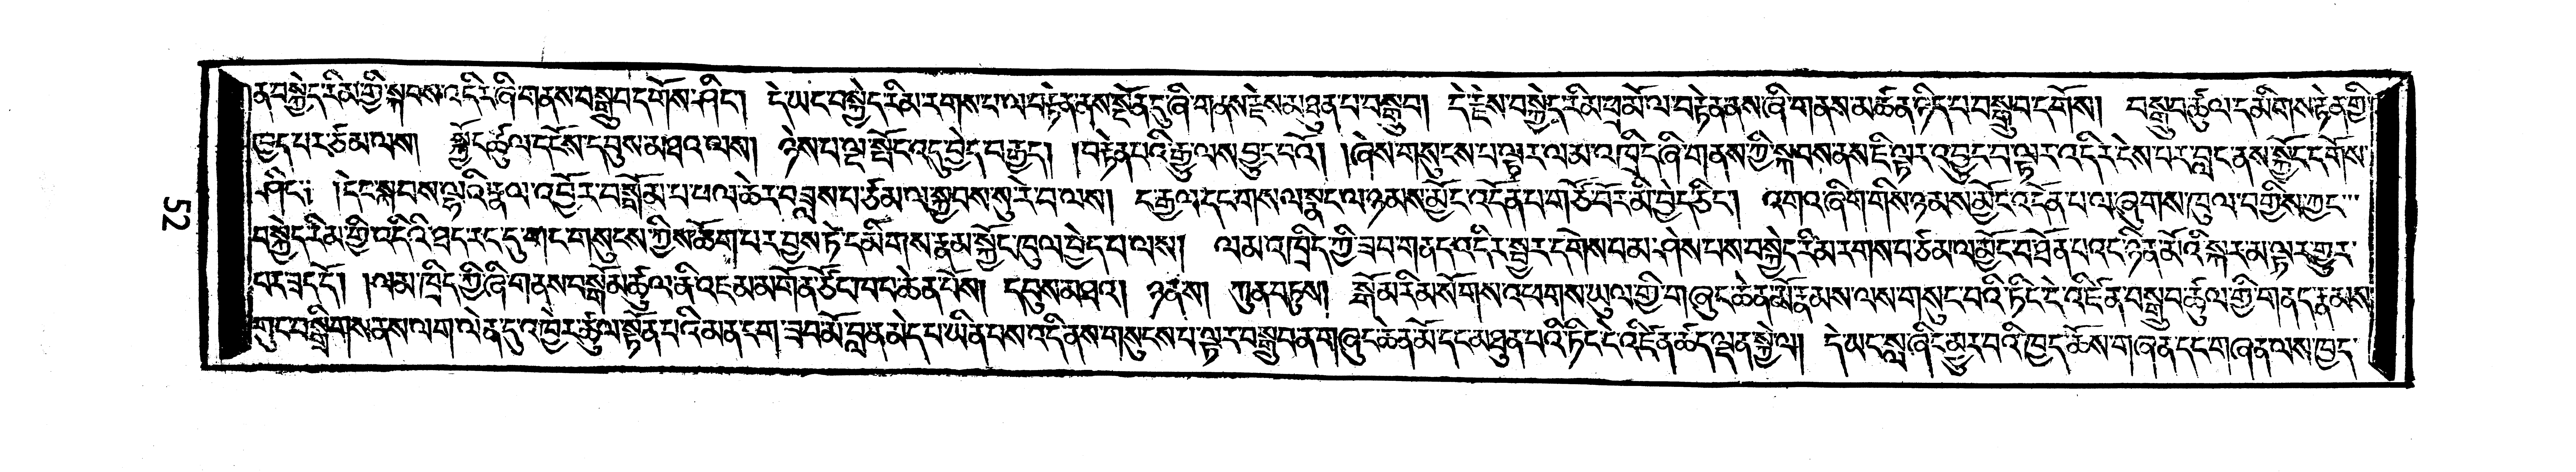ན་བསྐྱེད་རིམ་གྱི་སྐབས་འདིར་ཞི་གནས་བསྒྲུབ་དགོས་ཤིང་། དེ་ཡང་བསྐྱེད་རིམ་རགས་པ་ལ་བརྟེན་ནས་སྔོན་དུ་ཞི་གནས་རྗེས་མཐུན་པ་བསྒྲུབ། དེ་རྗེས་བསྐྱེད་རིམ་ཕྲ་མོ་ལ་བརྟེན་ནས་ཞི་གནས་མཚན་ཉིད་པ་བསྒྲུབ་དགོས། བསྒྲུབ་ཚུལ་དམིགས་རྟེན་གྱི་
ཁྱད་པར་ཙམ་ལས། སྐྱོང་ཚུལ་དངོས་དབུས་མཐའ་ལས། ཉེས་པ་ལྔ་སྤོང་འདུ་བྱེད་བརྒྱད། །བསྟེན་པའི་རྒྱུ་ལས་བྱུང་བའོ། །ཞེས་གསུངས་པ་ལྟར་ལམ་འཁྲིད་ཞི་གནས་ཀྱི་སྐབས་ནས་ཇི་ལྟར་འབྱུང་བ་ལྟར་འདིར་ངེས་པར་བླངས་ནས་སྐྱོང་དགོས་
ཤིང༑ དེང་སྐབས་ལྷའི་རྣལ་འབྱོར་བསྒོམ་པ་ཕལ་ཆེར་བཟླས་པ་ཙམ་ལ་སྐྱབས་སུ་རེ་བ་ལས། ང་རྒྱལ་དང་གསལ་སྣང་ལ་ཉམས་མྱོང་འདོན་པ་གཙོ་བོར་མི་བྱེད་ཅིང་། འགའ་ཞིག་གིས་ཉམས་མྱོང་འདོན་པ་ལ་ཞུགས་ཁུལ་བགྱིས་ཀྱང་
བསྐྱེད་རིམ་གྱི་འདིའི་ཐད་རང་དུ་གང་གསུངས་ཀྱིས་ཆོག་པར་བྱས་ཏེ་དམིགས་རྣམ་སྐྱོང་ཁུལ་བྱེད་པ་ལས། ལམ་འཁྲིད་ཀྱི་ཟབ་གནད་འདིར་སྦྱར་དགོས་པ་མ་ཤེས་པས་བསྐྱེད་རིམ་རགས་པ་ཙམ་ལ་མྱོང་བ་ཐོན་པའང་ཉིན་མོའི་སྐར་མ་ལྟར་གྱུར་
བར་ཟད་དོ། །ལམ་ཁྲིད་ཀྱི་ཞི་གནས་བསྒོམ་ཚུལ་ནི་འཇམ་མགོན་ཙོང་ཁ་པ་ཆེན་པོས། དབུས་མཐའ། ཉ་ནས། ཀུན་བཏུས། སྒོ་མ་རིམ་སོགས་འཕགས་ཡུལ་གྱི་གཞུང་ཆེན་མོ་རྣམས་ལས་གསུངས་པའི་ཏིང་ངེ་འཛིན་བསྒྲུབ་ཚུལ་གྱི་གནད་རྣམས་
གུང་བསྒྲིགས་ནས་ལག་ལེན་དུ་འཁྱེར་ཚུལ་སྟོན་པའི་མན་ངག་ཟབ་མོ་བླ་ན་མེད་པ་ཡིན་པས་འདི་ནས་གསུངས་པ་ལྟར་བསྒྲུབ་ན་གཞུང་ཆེན་མོ་དང་མཐུན་པའི་ཏིང་ངེ་འཛིན་ཚད་ལྡན་སྐྱེ་ལ། དེ་ཡང་སྐྱེ་སླ་ཞིང་མྱུར་བའི་ཁྱད་ཆོས་གཞན་དང་གཞན་ལས་ཁྱད་